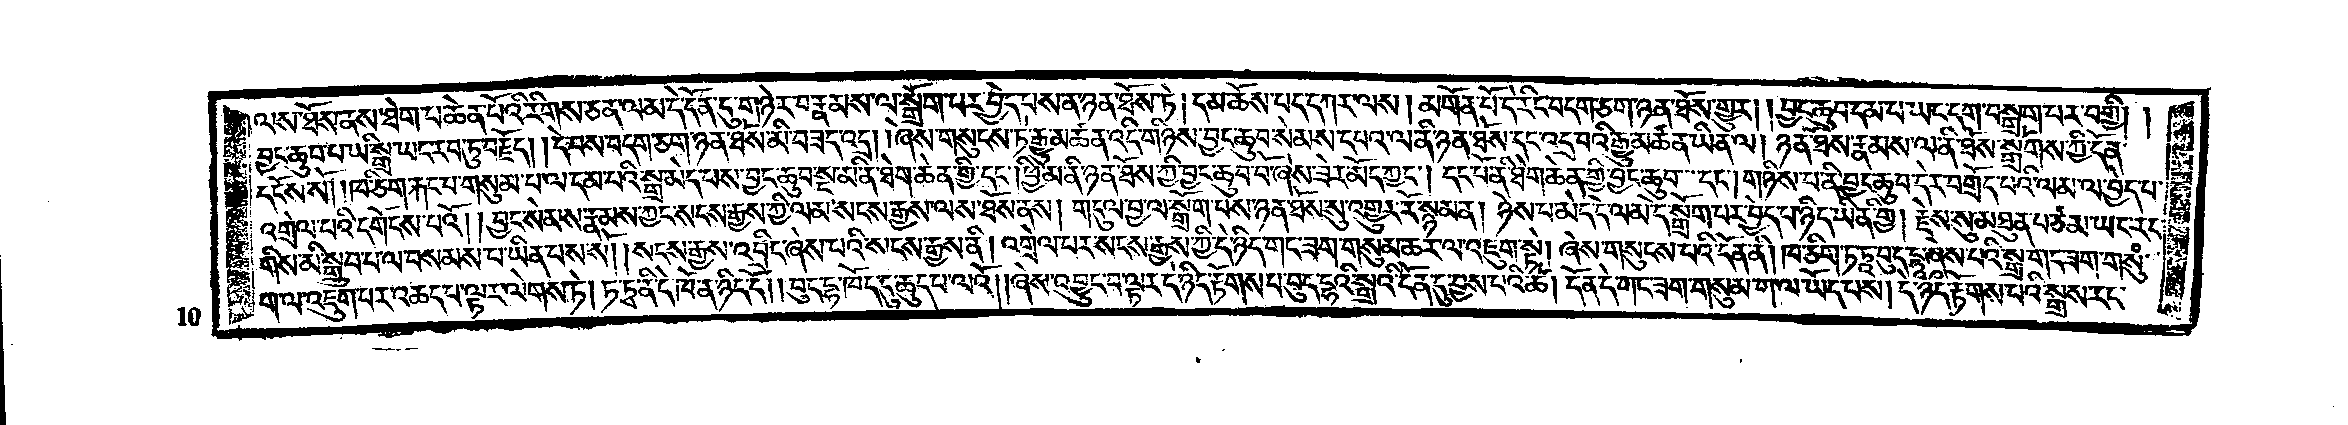ལས་ཐོས་ནས་ཐེག་པ་ཆེན་པོའི་རིགས་ཅན་ལམ་དེ་དོན་དུ་གཉེར་བ་རྣམས་ལ་སྒྲོག་པར་བྱེད་པས་ན་ཉན་ཐོས་ཏེ། དམ་ཆོས་པད་དཀར་ལས། མགོན་པོ་དེ་རིང་བདག་ཅག་ཉན་ཐོས་གྱུར། །བྱང་ཆུབ་དམ་པ་ཡང་དག་བསྒྲག་པར་བགྱི། །
བྱང་ཆུབ་པ་ཡི་སྒྲ་ཡང་རབ་ཏུ་བརྗོད། །དེ་བས་བདག་ཅག་ཉན་ཐོས་མི་བཟད་འདྲ། །ཞེས་གསུངས་ཏེ་རྒྱུ་མཚན་འདི་གཉིས་བྱང་ཆུབ་སེམས་དཔའ་ལ་ནི་ཉན་ཐོས་དང་འདྲ་བའི་རྒྱུ་མཚན་ཡིན་ལ། ཉན་ཐོས་རྣམས་ལ་ནི་ཐོས་སྒྲོགས་ཀྱི་དོན་
དངོས་སོ། །ཁ་ཅིག་རྐང་པ་གསུམ་པ་ལ་དམ་པའི་སྒྲ་མེད་པས་བྱང་ཆུབ་སྔ་མ་ནི་ཐེག་ཆེན་གྱི་དང་། ཕྱི་མ་ནི་ཉན་ཐོས་ཀྱི་བྱང་ཆུབ་བོ་ཞེས་ཟེར་མོད་ཀྱང་། དང་པོ་ནི་ཐེག་ཆེན་གྱི་བྱང་ཆུབ་དང་། གཉིས་པ་ནི་བྱང་ཆུབ་དེར་བགྲོད་པའི་ལམ་ལ་བྱེད་པ་
འགྲེལ་པའི་དགོངས་པའོ། །བྱང་སེམས་རྣམས་ཀྱང་སངས་རྒྱས་ཀྱི་ལམ་སངས་རྒྱས་ལས་ཐོས་ནས། གདུལ་བྱ་ལ་སྒྲོག་པས་ཉན་ཐོས་སུ་འགྱུར་རོ་སྙམ་ན། ཉེས་པ་མེད་དོ་ལམ་དེ་སྒྲོག་པ་བྱེད་པ་ཉིད་ཡིན་གྱི། རྗེས་སུ་མཐུན་པ་ཙམ་ཡང་རང་
གིས་མི་སྒྲུབ་པ་ལ་བསམས་པ་ཡིན་པས་སོ། །སངས་རྒྱས་འབྲིང་ཞེས་པའི་སངས་རྒྱས་ནི། འགྲེལ་པར་སངས་རྒྱས་ཀྱི་དེ་ཉིད་གང་ཟག་གསུམ་ཆར་ལ་འཇུག་སྟེ། ཞེས་གསུངས་པའི་དོན་ནི། ཁ་ཅིག་ཏ་ཏཱ་བུད་དྷཱ་ཞེས་པའི་སྒྲ་གང་ཟག་གསུམ་
ག་ལ་འཇུག་པར་འཆད་པ་ལྟར་ལེགས་ཏེ། ཏ་ཏྭ་ནི་དེ་ཁོ་ན་ཉིད་དོ། །བུད་དྷ་ཁོང་དུ་ཆུད་པ་ལའོ། །ཞེས་འབྱུང་བ་ལྟར་དེ་ཉིད་རྟོགས་པ་བུད་དྷའི་སྒྲའི་དོན་དུ་བྱས་པའི་ཚེ། དོན་དེ་གང་ཟག་གསུམ་ག་ལ་ཡོད་པས། དེ་ཉིད་རྟོགས་པའི་སྒྲས་རང་